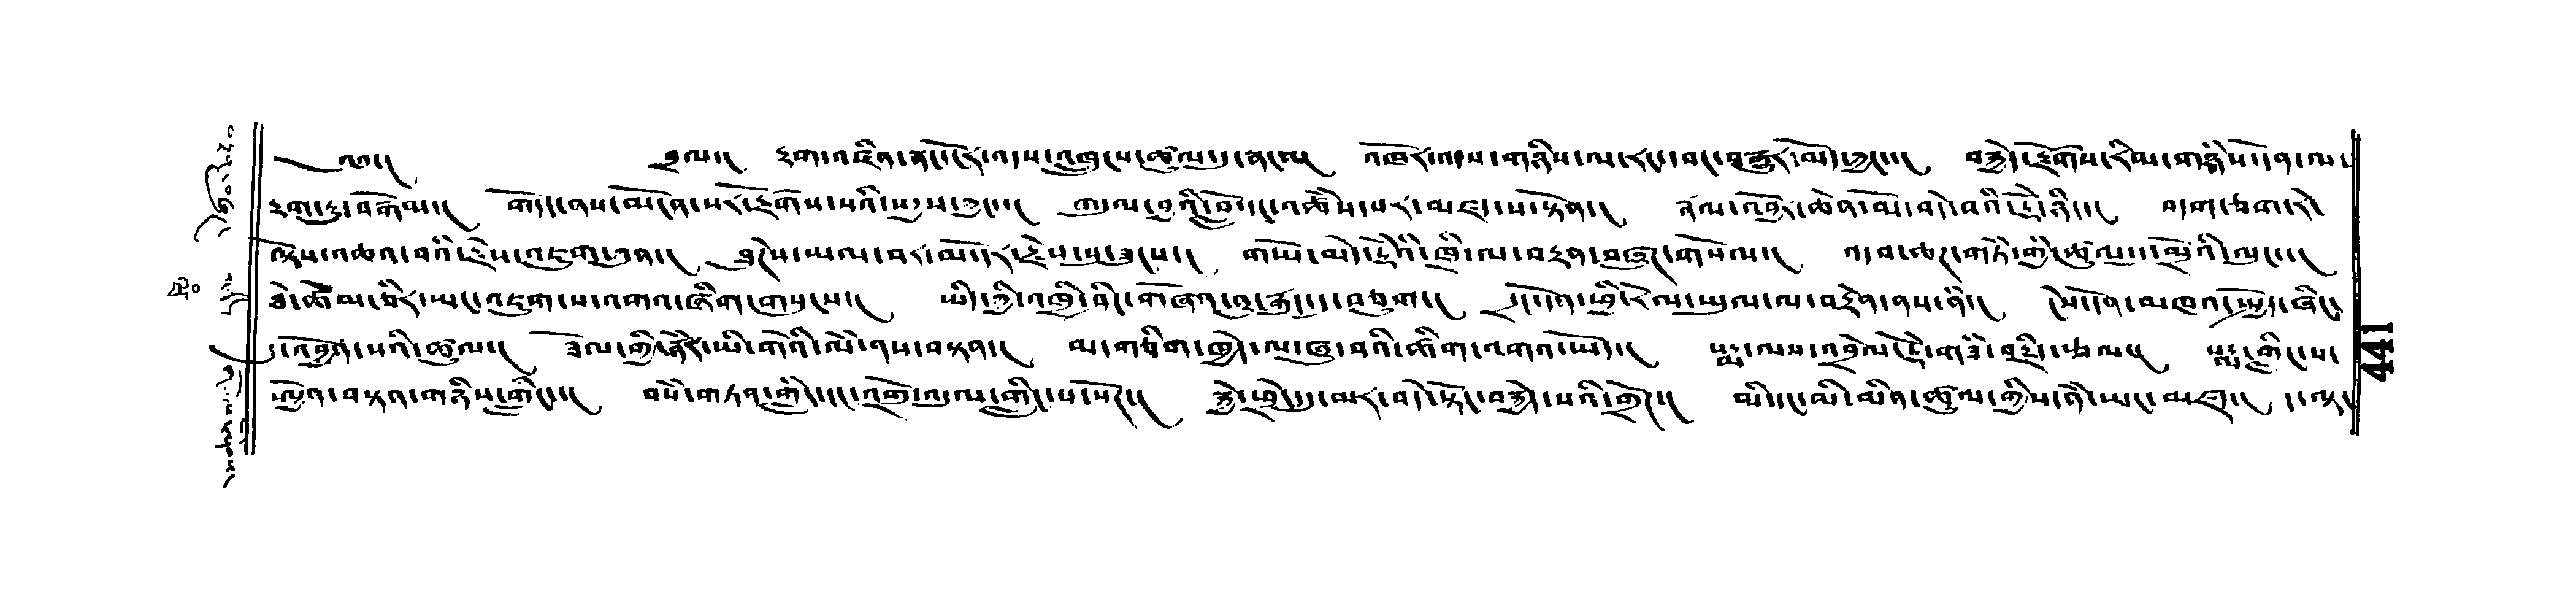བྲལ། །རྟག་འཛིན་སྣང་ངོར་འདས་འཁྲུངས་ཚུལ་དུ་སྣང་། །འཁོར་འདས་གཉིས་ལ་རང་དབང་བསྒྱུར་མོད་ཀྱང་། །བསྐྱེད་རྫོགས་རིམ་གཉིས་དོན་ལ་
རྟག་ཏུ་བསྒོམ། །གདོད་ནས་མངོན་པར་རྫོགས་པའི་སངས་རྒྱས་ཀྱང་། །གདུལ་བྱའི་བློ་དང་འཚམས་པར་མཛད་པ་སྟོན། །རྣལ་འབྱོར་ཆེན་མོ་བདེ་བའི་རྡོ་རྗེ་ཉིད། །བདག་ཅག་རེ་
ལྟོས་འཆའ་བའི་རྗེས་འཇུག་ཀུན། །ཐུགས་རྗེས་ཡལ་བར་མ་དོར་རྗེས་སུ་ཟུངས། གཡོ་མེད་རྡོ་རྗེའི་ཁྲི་ལ་བརྟན་བཞུགས་གསོལ། །འདབ་ཆགས་གཏམ་གྱི་ཚུལ་དུ་མཁའ་འགྲོའི་ལུང་། །
ཐེ་ཚོམ་ཅིར་ཡང་འཇུག་པ་འགའ་ཞིག་གསུངས། །ཡིད་ཀྱི་འཁྲི་ཤིང་གཞོན་ནུ་རྒུད་དུ་བཅུག །དྲང་དོན་ཕྱི་རོལ་ཡུལ་ལ་བརྟེན་ནས་ནི། །ངེས་དོན་མཁའ་སྤྱོད་ཞིང་
དུ་འབྱོན་པའི་ཚུལ། །ཟོལ་གྱི་རྣམ་པར་ཡི་གེའི་ལམ་ནས་བསྟན། །མ་གཅིག་ཁྱེད་ལ་ཞུ་བའི་ཚིག་འགའ་ཡོད། །པདྨ་ལས་འབྲེལ་རྡོ་རྗེ་གཟི་བརྗིད་རྩལ། །པདྨ་གླིང་པ་
ཨོ་རྒྱན་བསྟན་གཉིས་གླིང་། །བསམ་གཏན་གླིང་དང་འགྲོ་འདུལ་གླིང་པ་སོགས། །སྐྱེ་ཕྲེང་དུ་མར་བདེ་སྟོང་བསྐྱེད་པའི་གྲོགས། །མི་དང་མི་མིན་ཚུལ་གྱིས་ནམ་ཡང་མཛད། །ད་ལྟ་